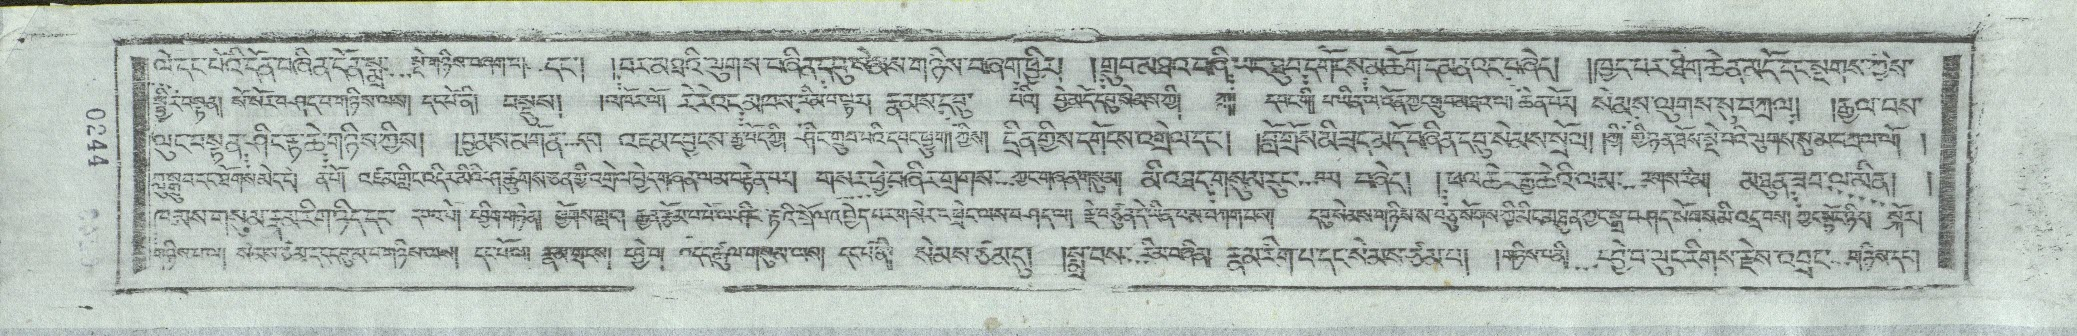ལོ་དང་པོའི་དོན་བཞིན་དོན་སྨྲ་སྡེ་གཉིས་བཞག་ལ། དང་། །བར་མཐའི་ལུགས་བཞིན་དབུ་སེམས་གཉིས་བཞག་ཕྱིར། །གྲུབ་མཐའ་བཞི་ཡང་ཐུབ་དཀོངས་མཆོག་དམན་འང་བཞེད། །ཁྱད་པར་ཐེག་ཆེན་མདོ་དང་སྔགས་ཀྱིས་
སྤྱིར་བསྟན། སོ་སོར་བཤད་པ་གཉིས་ལས། །དང་པོ་ནི། པ་སྡུས། །འཁོར་ལོ། རེ་རེ་འདམ་ཁས་རིམ་པ་ལྟར། རྣམས་དུ་བུ། བོའི། བྱེ་མདོ་དབུ་སེམས་ཀྱི། ཀ། དབང་གི། པ་ཡིན་ལ་འོན་ཀྱང་དགུལ་མཐའ་ལ་ཆེན་པོར། སེམས་ལུགས་སུ་བཀྲལ། །རྒྱལ་བས་
ལུང་བསྟན་ཤིང་རྟ་ཆེ་གཉིས་ཀྱིས། །བྱམས་མགོན་དང་། འཇམ་དབྱངས་རྒྱ་བོད་ཀྱི། ཤིང་གྲུབ་པའི་དབང་ཕྱུག། ཀྱིས། དྲིན་གྱིས་དགོངས་འགྲེལ་དང་། །བློ་གྲོས་མི་ཟང་མདོ་བཞིན་དབུ་སེམས་སྲོལ། །ཀྱི?་གྱི་ཉན་ཐོས་སྡེ་པའི་ལུགས་སུམ་བགྲལ་ལོ། །
ཀླུ་སྒྲུབ་དང་ཐོགས་མེད་དང་། ན་པོ། འཛམ་གླིང་འདི་མིའི་གྪུགས་ཅན་གྱི་འགྲེལ་བྱེད་གཞན་ལམ་བརྟེན་པར། གསར་ཕྱེ་བཞིར་གྲགས་ཀྱང་གཞན་གསུམ། མི་འཐད་གསུམ་རུང་བར། བཞེད། །ཕལ་ཆེར་རྒྱ་ཆེའི་ལམ་འགས་རམ། མཐུན་ཟབ་ལ་ཡིན། །
ཁམས་གསུམ་རྣམ་རིག་ཉིད་དང་དཔའ་བོ། དབྱིག་གཏེན། ཕྱོགས་གླང་། རྒྱན་རྩོམ་པ་ལ་ཤིང་རྩའི་གྲོལ་འབྱེད་པར་གསེར་འཕྲེང་ལས་བཤད་ལ། རྗེ་བཙུན་དེ་ཡིན་པས་བཀག་པས། དབུ་སེམས་གཉིས་ས་བཅུ་སོགས་ཀྱི་མིང་མཐུན་ཀྱང་སྒྲ་བཤད་སོགས་མི་འདྲ་བས། ཀྱང་སྟོང་ཉིད། སྐོར།
གཉིས་པ་ལ། སེམས་ཙམ་དད་དབུས་པ་གཉིས་ལས། དང་པོ་ལ། རྣམ་གྲངས། དབྱེ་ལ། འདད་ཚུལ་གསུམ་ལས། དང་པ་ནི། སེམས་ཙམ་དུ། །སྨྲ་བས་རིམ་བཞིན། རྣམ་རིག་པ་དང་སེམས་ཙམ་པ། །གཉིས་པ་ནི། དབྱེ་བ་ལུང་རིགས་རྗེས་འབྲང་གཉིས་དང་།